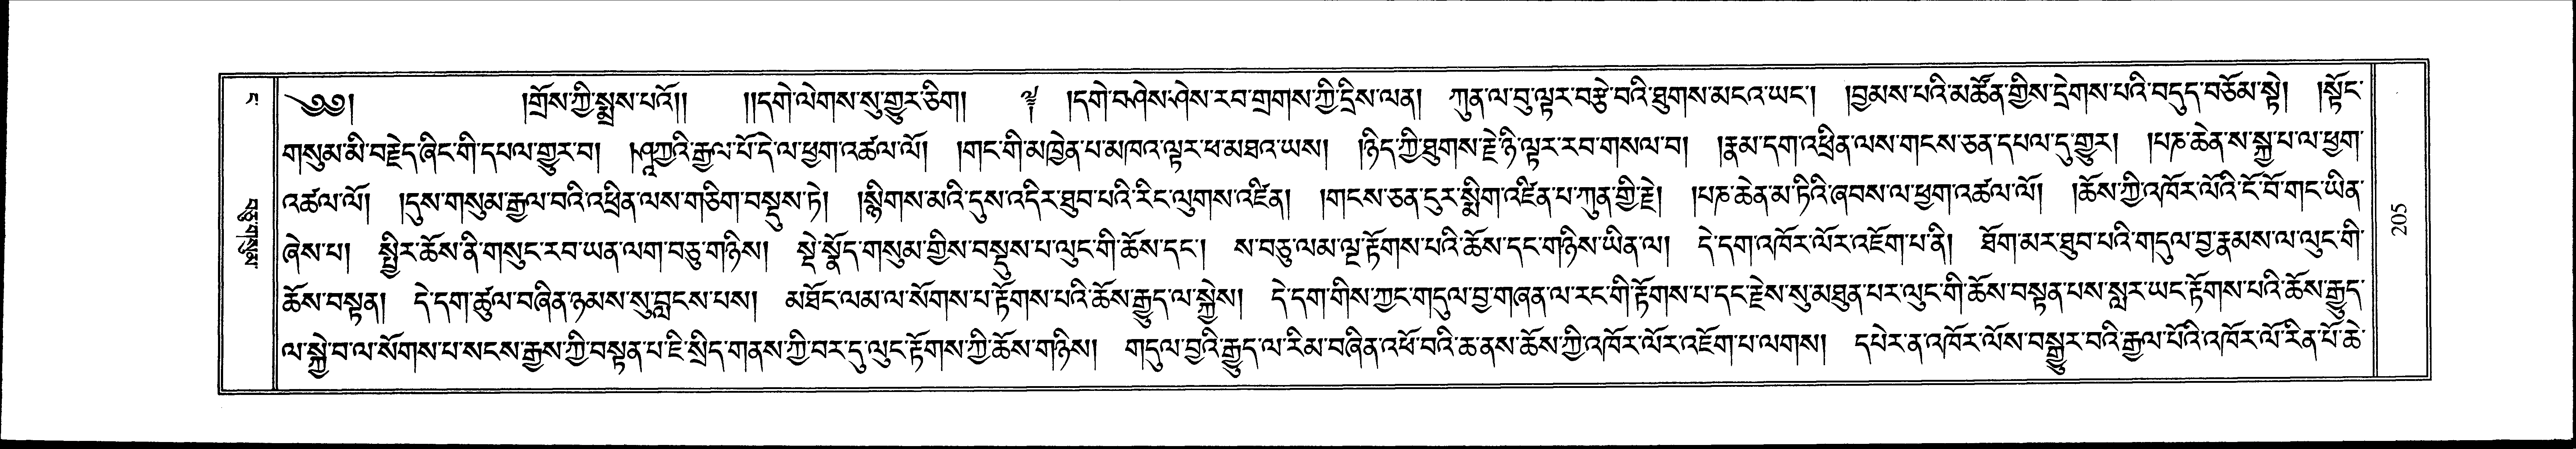༄༅། །གྲོས་ཀྱི་སྨྲས་པའོ།། །།དགེ་ལེགས་སུ་གྱུར་ཅིག། ༈ །དགེ་བཤེས་ཤེས་རབ་གྲགས་ཀྱི་དྲིས་ལན། ཀུན་ལ་བུ་ལྟར་བརྩེ་བའི་ཐུགས་མངའ་ཡང་། །བྱམས་པའི་མཚོན་གྱིས་དྲེགས་པའི་བདུད་བཅོམ་སྟེ། །སྟོང་
གསུམ་མི་བརྗེད་ཞིང་གི་དཔལ་གྱུར་བ། །ཤཱཀྱའི་རྒྱལ་པོ་དེ་ལ་ཕྱག་འཚལ་ལོ། །གང་གི་མཁྱེན་པ་མཁའ་ལྟར་ཕ་མཐའ་ཡས། །ཉིད་ཀྱི་ཐུགས་རྗེ་ཉི་ལྟར་རབ་གསལ་བ། །རྣམ་དག་འཕྲིན་ལས་གངས་ཅན་དཔལ་དུ་གྱུར། །པཎ་ཆེན་ས་སྐྱ་པ་ལ་ཕྱག་
འཚལ་ལོ། །དུས་གསུམ་རྒྱལ་བའི་འཕྲིན་ལས་གཅིག་བསྡུས་ཏེ། །སྙིགས་མའི་དུས་འདིར་ཐུབ་པའི་རིང་ལུགས་འཛིན། །གངས་ཅན་ངུར་སྨིག་འཛིན་པ་ཀུན་གྱི་རྗེ། །པཎ་ཆེན་མ་ཏིའི་ཞབས་ལ་ཕྱག་འཚལ་ལོ། །ཆོས་ཀྱི་འཁོར་ལོའི་ངོ་བོ་གང་ཡིན་
ཞེས་པ། སྤྱིར་ཆོས་ནི་གསུང་རབ་ཡན་ལག་བཅུ་གཉིས། སྡེ་སྣོད་གསུམ་གྱིས་བསྡུས་པ་ལུང་གི་ཆོས་དང་། ས་བཅུ་ལམ་ལྔ་རྟོགས་པའི་ཆོས་དང་གཉིས་ཡིན་ལ། དེ་དག་འཁོར་ལོར་འཇོག་པ་ནི། ཐོག་མར་ཐུབ་པའི་གདུལ་བྱ་རྣམས་ལ་ལུང་གི་
ཆོས་བསྟན། དེ་དག་ཚུལ་བཞིན་ཉམས་སུ་བླངས་པས། མཐོང་ལམ་ལ་སོགས་པ་རྟོགས་པའི་ཆོས་རྒྱུད་ལ་སྐྱེས། དེ་དག་གིས་ཀྱང་གདུལ་བྱ་གཞན་ལ་རང་གི་རྟོགས་པ་དང་རྗེས་སུ་མཐུན་པར་ལུང་གི་ཆོས་བསྟན་པས་སླར་ཡང་རྟོགས་པའི་ཆོས་རྒྱུད་
ལ་སྐྱེ་བ་ལ་སོགས་པ་སངས་རྒྱས་ཀྱི་བསྟན་པ་ཇི་སྲིད་གནས་ཀྱི་བར་དུ་ལུང་རྟོགས་ཀྱི་ཆོས་གཉིས། གདུལ་བྱའི་རྒྱུད་ལ་རིམ་བཞིན་འཕོ་བའི་ཆ་ནས་ཆོས་ཀྱི་འཁོར་ལོར་འཇོག་པ་ལགས། དཔེར་ན་འཁོར་ལོས་བསྒྱུར་བའི་རྒྱལ་པོའི་འཁོར་ལོ་རིན་པོ་ཆེ་